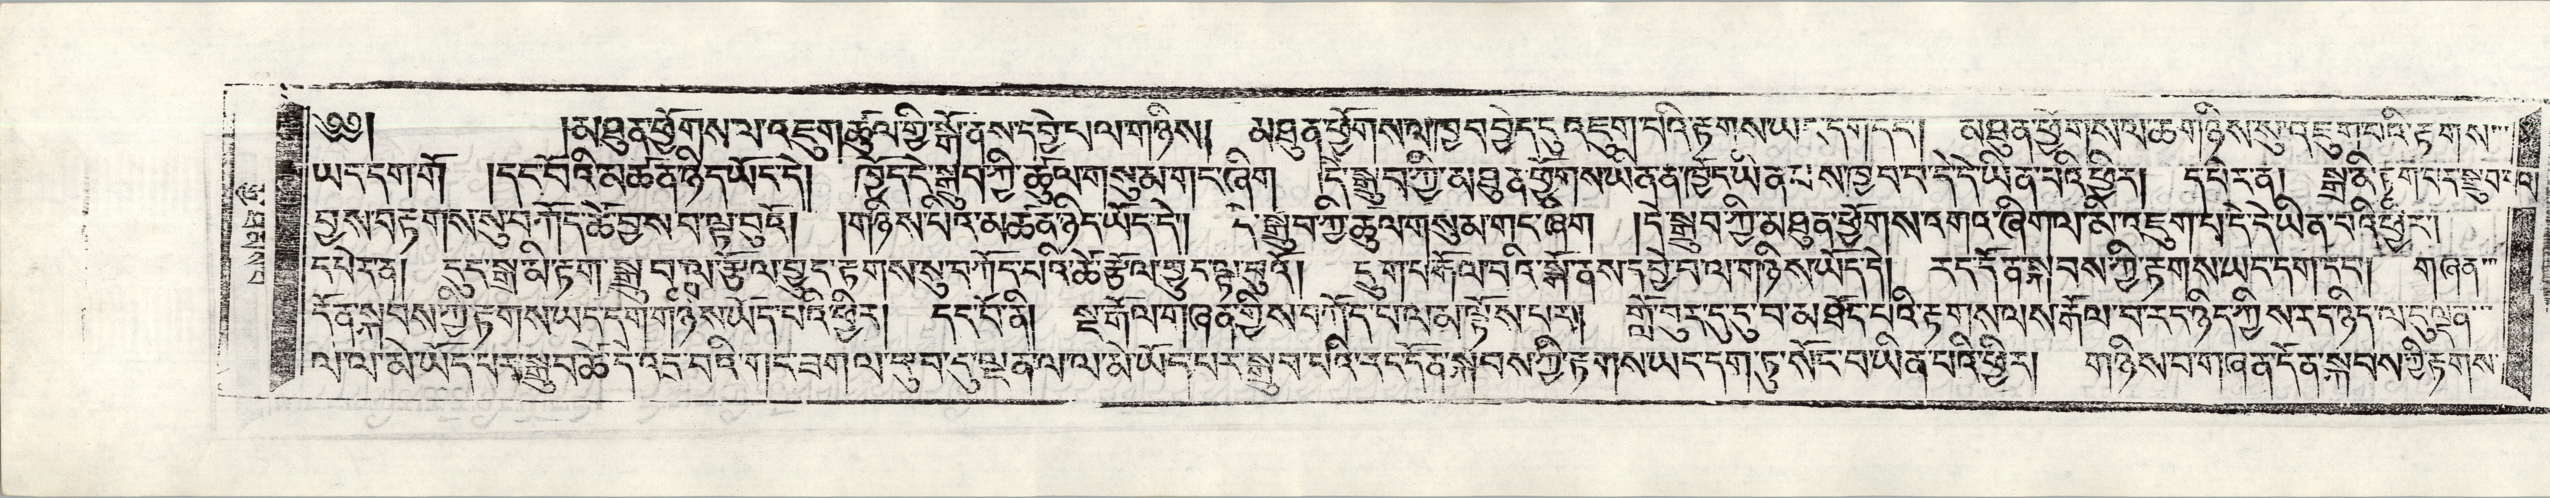༄༅། །མཐུན་ཕྱོགས་ལ་འཇུག་ཚུལ་གྱི་སྒོ་ནས་དབྱེ་བ་ལ་གཉིས། མཐུན་ཕྱོགས་ལ་ཁྱབ་བྱེད་དུ་འཇུག་པའི་རྟགས་ཡང་དག་དང་། མཐུན་ཕྱོགས་ལ་ཆ་གཉིས་སུ་འཇུག་པའི་རྟགས་
ཡང་དག་གོ །དང་པོའི་མཚན་ཉིད་ཡོད་དེ། ཁྱོད་དེ་སྒྲུབ་ཀྱི་ཚུལ་གསུམ་གང་ཞིག །དེ་སྒྲུབ་ཀྱི་མཐུན་ཕྱོགས་ཡིན་ན་ཁྱོད་ཡིན་པས་ཁྱབ་པ་དེ་དེ་ཡིན་པའི་ཕྱིར། དཔེར་ན། སྒྲ་མི་རྟག་པར་སྒྲུབ་པལ་
བྱས་པ་རྟགས་སུ་བཀོད་ཚེ་བྱས་པ་ལྟ་བུའོ། །གཉིས་པའི་མཚན་ཉིད་ཡོད་དེ། དེ་སྒྲུབ་ཀྱི་ཚུལ་གསུམ་གང་ཞིག །དེ་སྒྲུབ་ཀྱི་མཐུན་ཕྱོགས་འགའ་ཞིག་ལ་མི་འཇུག་པ་དེ་དེ་ཡིན་པའི་ཕྱིར།
དཔེར་ན། དུང་སྒྲ་མི་རྟག་པར་སྒྲུབ་པ་ལ་རྩོལ་བྱུང་རྟགས་སུ་བཀོད་པའི་ཚེ་རྩོལ་བྱུང་ལྟ་བུའོ། །དྲུག་པ་རྒོལ་བའི་སྒོ་ནས་དབྱེ་བ་ལ་གཉིས་ཡོད་དེ། རང་དོན་སྐབས་ཀྱི་རྟགས་ཡང་དག་དང་། གཞན་
དོན་སྐབས་ཀྱི་རྟགས་ཡང་དག་གཉིས་ཡོད་པའི་ཕྱིར། དང་པོ་ནི། སྔ་རྒོལ་གཞན་གྱིས་བཀོད་པ་ལ་མ་ལྟོས་པར། གློ་བུར་དུ་དུ་བ་མཐོང་བའི་རྟགས་ལས་རྒོལ་བ་རང་ཉིད་ཀྱིས་རང་ཉིད་ལ་དུ་ལྡན་
ལ་ལ་མེ་ཡོད་པར་སྒྲུབ་ཚེ་དེ་འདྲ་བའི་གང་ཟག་ལ་དུ་བ་དུ་ལྡན་ལ་ལ་མེ་ཡོད་པར་སྒྲུབ་པའི་རང་དོན་སྐབས་ཀྱི་རྟགས་ཡང་དག་ཏུ་སོང་བ་ཡིན་པའི་ཕྱིར། གཉིས་པ་གཞན་དོན་སྐབས་ཀྱི་རྟགས་